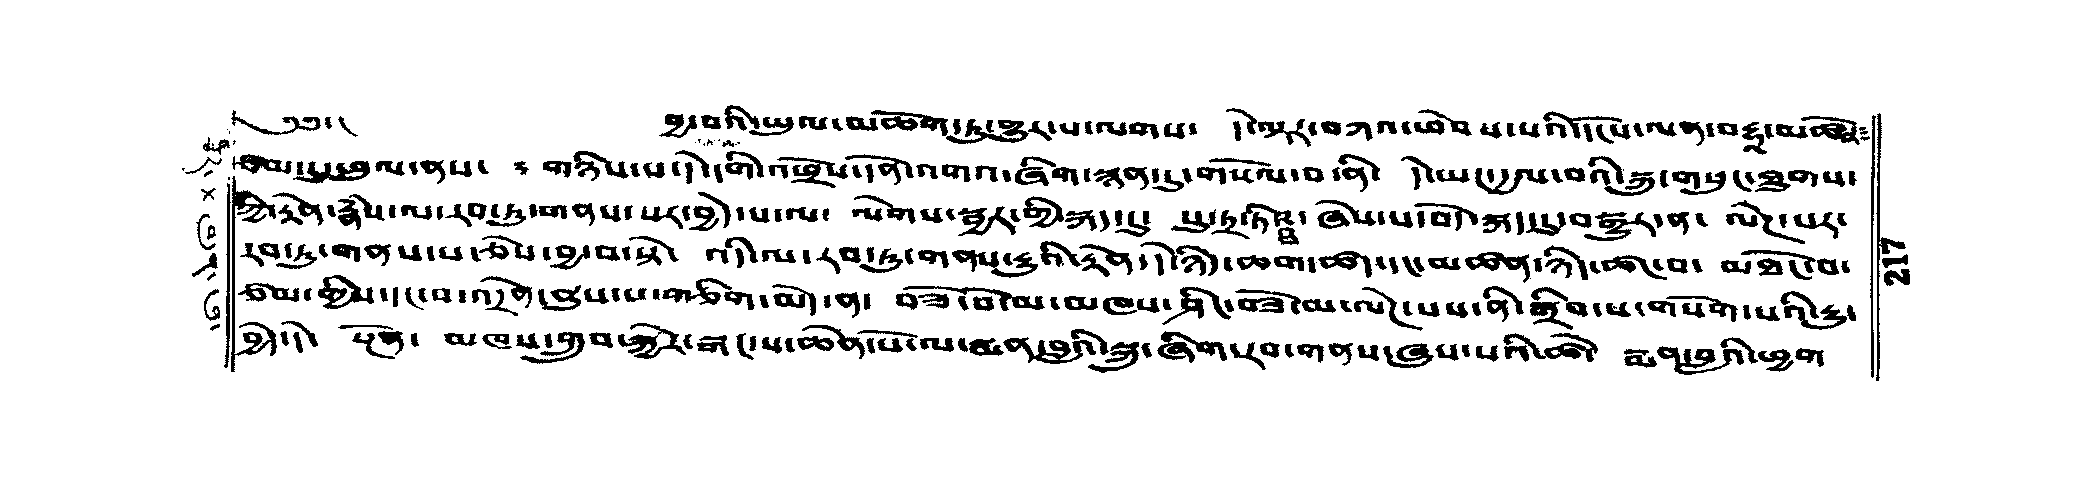བྱཔབའིཔཡུལཔམཆོགཔཏཔགྱུརཔབཔལགས། དེཔལྟརཔབཀའཔཕེབསཔ་འིཔདངོསཔལནཔབརྡཔམཚོན་
ཙམཔདུཔཕུལཔནས། གཉིསཔ་པདེཔདགཔགིཔའཕྲོསཔདོནཔའགའཔཞིགཔསྙནཔདུཔགསོལཔབཔནི། དེཔཡངཔརྒྱལཔབའིཔསྐུཔགསུངཔཐུགས་
ཀྱིཔརྟེནཔརྣམསཔལཔརབཔཏཔགནསཔ་རཔབྱེདཔ་པལ། ལེགསཔསྦྱརཔགྱིཔསྐདཔདུ། ་ུཔཔྲཔཏིཥྛཔཞེསཔ་པབོདཔསྐདཔདུཔབསྒྱུརཔན། ལེགས་པར་
རབཔཏཔགནསཔ་པཞེསཔབྱཔབཔསྟེ། འདིཔལཔརབཔཏཔགནསཔརྒྱུའིཔརྟེནཔདེཔཉིདཔཆགཔཚདཔདངཔམཚནཔཉིདཔཚངཔབ། མཐོངཔབཔ
ཙམཔགྱིཔདངཔབཔའདྲེནཔནུསཔ་པགཅིགཔམེདཔན། བཟོཔབོཔམཔམཁསཔཤིངཔབཟོཔམཔལེགསཔ་སཔནིཔསྒྲིབཔ་པགསོགཔ་འིཔརྒྱུ་
བྱེདཔདེ། སྔོནཔམཁསཔགྲུབཔེརཔསྒངཔ་པཆེནཔ་ོཔལཔསྨནཔལྷའིཔསྐུཔཞིགཔརབཔགནསཔཞུསཔ་འིཔཚེ། སྨནཔབླའིཔཕྱགཔ